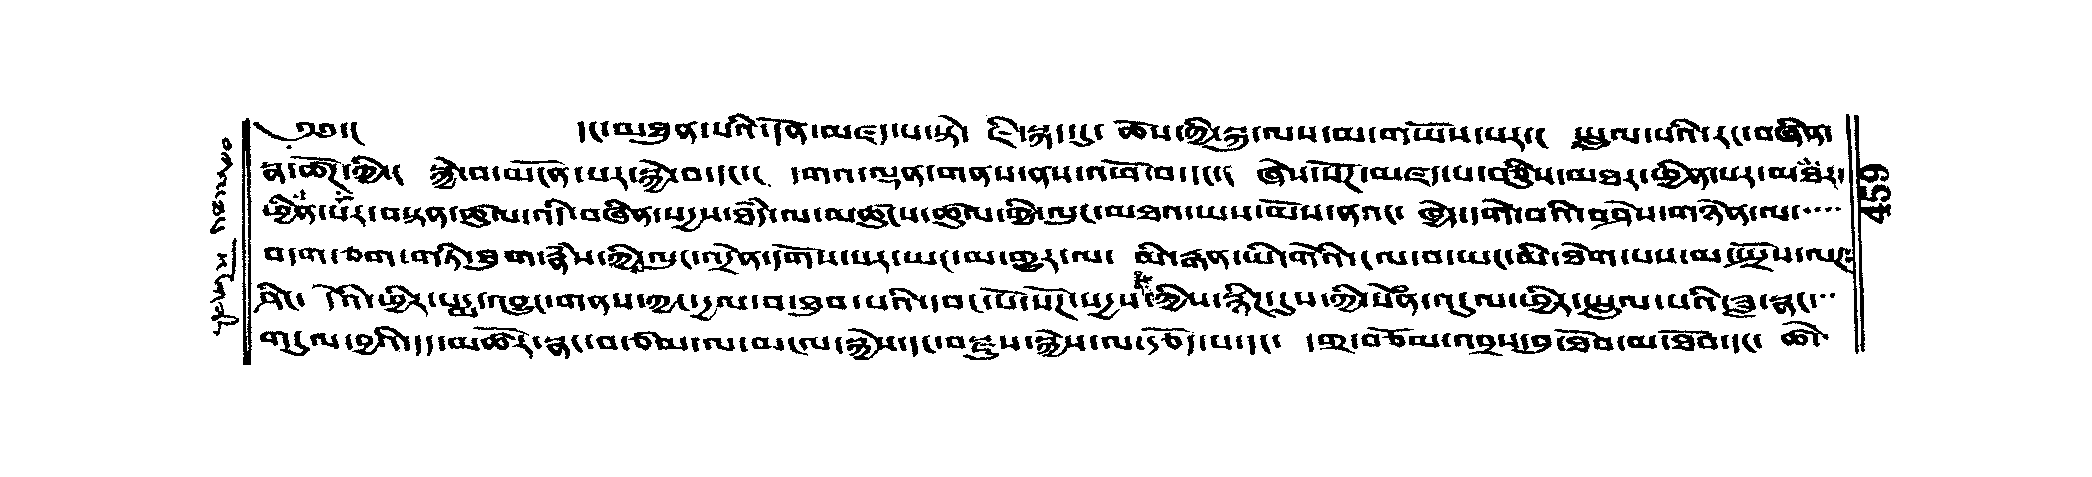དང་མཐུན་པའི་དོན་མཛད་པ་སྟེ། ཇི་སྐད་དུ་ཆོས་ཀྱི་སྐུ་ལས་མ་གཡོས་པར། །སྤྲུལ་པའི་རང་བཞིན་
སྣ་ཚོགས་ཀྱི། །སྐྱེ་བ་མངོན་པར་སྐྱེ་བ་དང་། །དགའ་ལྡན་གནས་ནས་འཕོ་བ་དང་། ཞེས་སོགས་མཛད་པ་བཅུ་གཉིས་མཐར་
ཕྱིན་པར་བསྟན་ཚུལ་འདི་བཞིན་སངས་རྒྱས་ཐམས་ཅད་ལ་མཚུངས་ཚུལ་གྱི་ལུང་མཐའ་ཡས་ཡོད་ནའང་། ཁྱེད་དགེ་བའི་བཤེས་གཉེན་ལ་
བདག་ཅག་གཏི་ཐུག་རྣམས་ཀྱིས་ལུང་འདྲེན་དགོས་པར་ཡང་མ་གྱུར་ལ། མི་རྒན་ཡི་གེའི་ངལ་བ་ཡང་མི་ཐེག་པས་མ་སྤྲོས་ལགས་
ཤིང་། དེའི་ཕྱིར་པདྨ་འབྱུང་གནས་ཀྱང་རྒྱལ་བ་ཐུབ་པའི་དབང་པོ་སོགས་སངས་རྒྱས་རྣམས་ཀྱིས་སྙིགས་དུས་ཀྱི་སེམས་ཅན་འདུལ་ཕྱིར་སྤྲུལ་པའི་ཟླ་སྣང་
གདུལ་བྱའི་དད་མཚོར་སྣང་ཙམ་ལ་མངལ་སྐྱེས་དང་བརྫུས་སྐྱེས་ལ་རྩོད་པ་དང་། དགྲ་བཅོམ་འབྲས་བུ་ཐོབ་མ་ཐོབ་དང་། ཚེ་